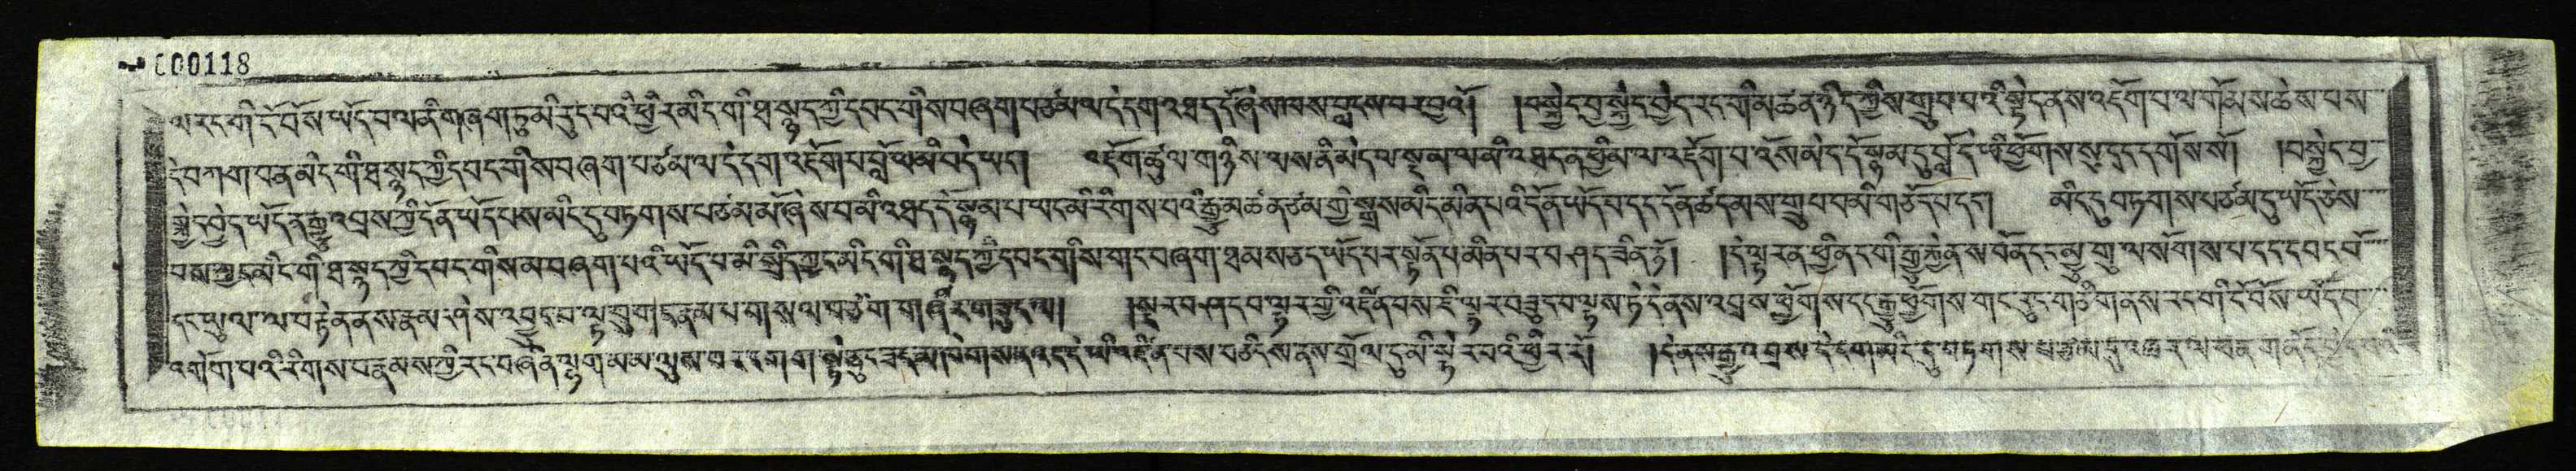ལ་རང་གི་ངོ་བོས་ཡོད་པ་ལ་ནི་གཞག་ཏུ་མི་རུང་བའི་ཕྱིར་མིང་གི་ཐ་སྙད་ཀྱི་དབང་གིས་བཞག་པ་ཙམ་ལ་དེ་དག་འཐད་དོ་ཞེས་ཁས་བླངས་པར་བྱའོ། །བསྐྱེད་བྱ་སྐྱེད་བྱེད་རང་གི་མཚན་ཉིད་ཀྱིས་གྲུབ་པའི་སྟེང་ནས་འཇོག་པ་ལ་གོམས་ཆེས་པས་
དེ་བཀག་པ་ན་མེད་གི་ཐ་སྙད་ཀྱི་དབང་གིས་བཞག་པ་ཙམ་ལ་དེ་དག་འཇོག་པ་བློ་ལ་མི་བདེ་ཡང་། འཇོག་ཚུལ་གཉིས་ལས་ནི་མེད་ལ་སྔ་མ་ལ་མི་འཐད་ན་ཕྱི་མ་ལ་འཇོག་པ་འོས་མེད་དོ་སྙམ་དུ་བློ་དེ་ཡི་ཕྱོགས་སུ་དང་དགོས་སོ། །བསྐྱེད་བྱ་
སྐྱེད་བྱེད་ཡོད་ན་རྒྱུ་འབྲས་ཀྱི་དོན་ཡོད་པས་མིང་དུ་བཏགས་པ་ཙམ་མོ་ཞེས་པ་མི་འཐད་དོ་སྙམ་པ་ཡང་མི་རིགས་པའི་རྒྱུ་མཚན་ཙམ་གྱི་སྒྲས་མིང་མིན་པའི་དོན་ཡོད་པ་དང་དོན་ཚད་མས་གྲུབ་པ་མི་གཅོད་པ་དང་། མིང་དུ་བཏགས་པ་ཙམ་དུ་ཡོད་ཅེས་
པས་ཀྱང་མིང་གི་ཐ་སྙད་ཀྱི་དབང་གིས་མ་བཞག་པའི་ཡོད་པ་མི་སྲིད་ཀྱང་མིང་གི་ཐ་སྙད་ཀྱི་དབང་གིས་གང་བཞག་ཐམས་ཅད་ཡོད་པར་སྟོན་པ་མིན་པར་བཤད་ཟིན་ཏོ། །དེ་ལྟར་ན་ཕྱི་ནང་གི་རྒྱུ་རྐྱེན་ས་བོན་དང་མྱུ་གུ་ལ་སོགས་པ་དང་དབང་པོ་
དང་ཡུལ་ལ་བརྟེན་ནས་རྣམ་ཤེས་འབྱུང་བ་ལྟ་བུ་གང་རྣམ་པ་གསལ་བ་ཙག་གཞིར་གཟུང་ལ། །སྔར་བཤད་པ་ལྟར་གྱི་འཛིན་པས་ཇི་ལྟར་བཟུང་པ་ལྟས་ཏེ་དེ་ནས་འབྲས་ཕྱོགས་དང་རྒྱུ་ཕྱོགས་གང་རུང་གཅིག་ནས་རང་གི་ངོ་བོས་ཡོད་པ་
འགོག་པའི་རིགས་པ་རྣམས་ཀྱི་རང་བཞིན་ལྷག་མ་མ་ལུས་པར་དགག་སྟེ་ཅུང་ཟད་མ་ཁེགས་ནའང་དེ་ཡི་འཛིན་པས་བཅིངས་ནས་གྲོལ་དུ་མི་སྟེར་བའི་ཕྱིར་རོ། །དེ་ནས་རྒྱུ་འབྲས་དེ་དག་མིང་དུ་བཏགས་པ་ཙམ་དུ་འཆར་ལ་ཕན་གནོད་བྱེད་པའི་